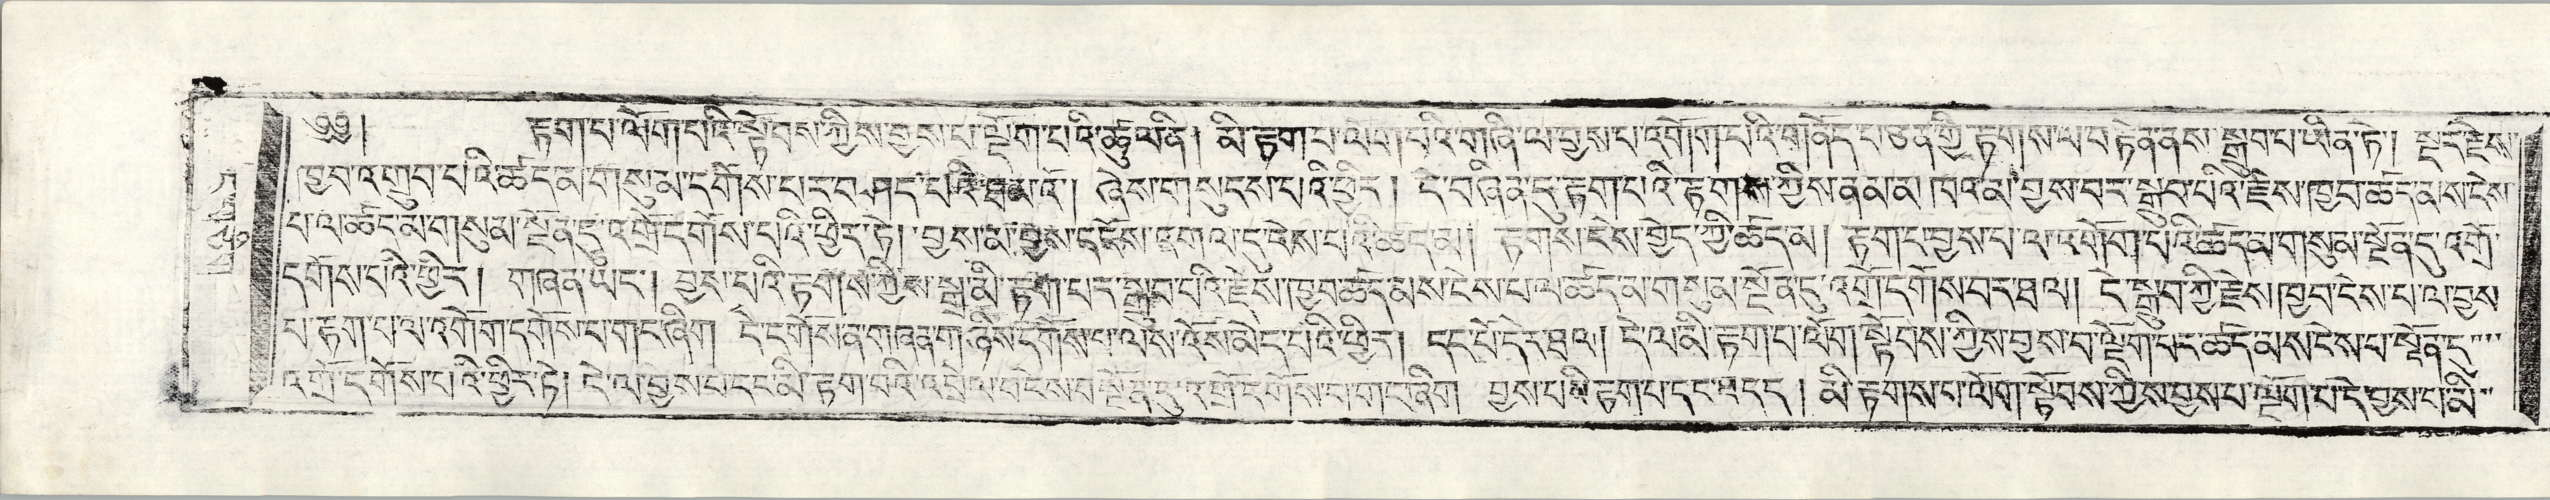༄༅། །རྟག་པ་ལོག་པའི་སྟོབས་ཀྱིས་བྱས་པ་ལྡོག་པའི་ཚུལ་ནི། མི་རྟག་པ་ལོག་པའི་གཞི་ལ་བྱས་པ་འགོག་པའི་གནོད་པ་ཅན་གྱི་རྟགས་ལ་བརྟེན་ནས་སྒྲུབ་པ་ཡིན་ཏེ། སྡར་རྗེས་
ཁྱབ་འགྲུབ་པའི་ཚད་མ་གསུམ་དགོས་པར་བཤད་པའི་ཐ་མའོ། ཞེས་གསུངས་པའི་ཕྱིར། དེ་བཞིན་དུ་རྟག་པའི་རྟགས་ཀྱིས་ནམ་མཁའ་མ་བྱས་པར་སྒྲུབ་པའི་རྗེས་ཁྱབ་ཚད་མས་ངེས་
པ་ལ་ཚད་མ་གསུམ་སྔོན་དུ་འགྲོ་དགོས་པའི་ཕྱིར་ཏེ། བྱས་མ་བྱས་དངོས་འགལ་དུ་ངེས་པའི་ཚད་མ། རྟགས་ངེས་བྱེད་ཀྱི་ཚད་མ། རྟག་པ་བྱས་པ་ལ་འགོག་པའི་ཚད་མ་གསུམ་སྔོན་དུ་འགྲོ་
དགོས་པའི་ཕྱིར། གཞན་ཡང་། བྱས་པའི་རྟགས་ཀྱིས་སྒྲ་མི་རྟག་པར་སྒྲུབ་པའི་རྗེས་ཁྱབ་ཚད་མས་ངེས་པ་ལ་ཚད་མ་གསུམ་སྔོན་དུ་འགྲོ་དགོས་པར་ཐལ། དེ་སྒྲུབ་ཀྱི་རྗེས་ཁྱབ་ངེས་པ་ལ་བྱས་
པ་རྟག་པ་ལ་འགོག་དགོས་པ་གང་ཞིག །དེ་དགོས་ན་གཞན་གཉིས་དགོས་པ་ལས་འོས་མེད་པའི་ཕྱིར། དང་པོ་དེར་ཐལ། དེ་ལ་མི་རྟག་པ་ལོག་སྟོབས་ཀྱིས་བྱས་པ་ལྡོག་པར་ཚད་མས་ངེས་པ་སྔོན་དུ་
འགྲོ་དགོས་པའི་ཕྱིར་ཏེ། དེ་ལ་བྱས་པ་དང་མི་རྟག་པའི་འབྲེལ་བ་ངེས་པ་སྔོན་དུ་འགྲོ་དགོས་པ་གང་ཞིག །བྱས་པ་མི་རྟག་པ་དང་ཐ་དད། མི་རྟག་པ་ལོག་སྟོབས་ཀྱིས་བྱས་པ་ལྡོག་པ་དེ་བྱས་པ་མི་